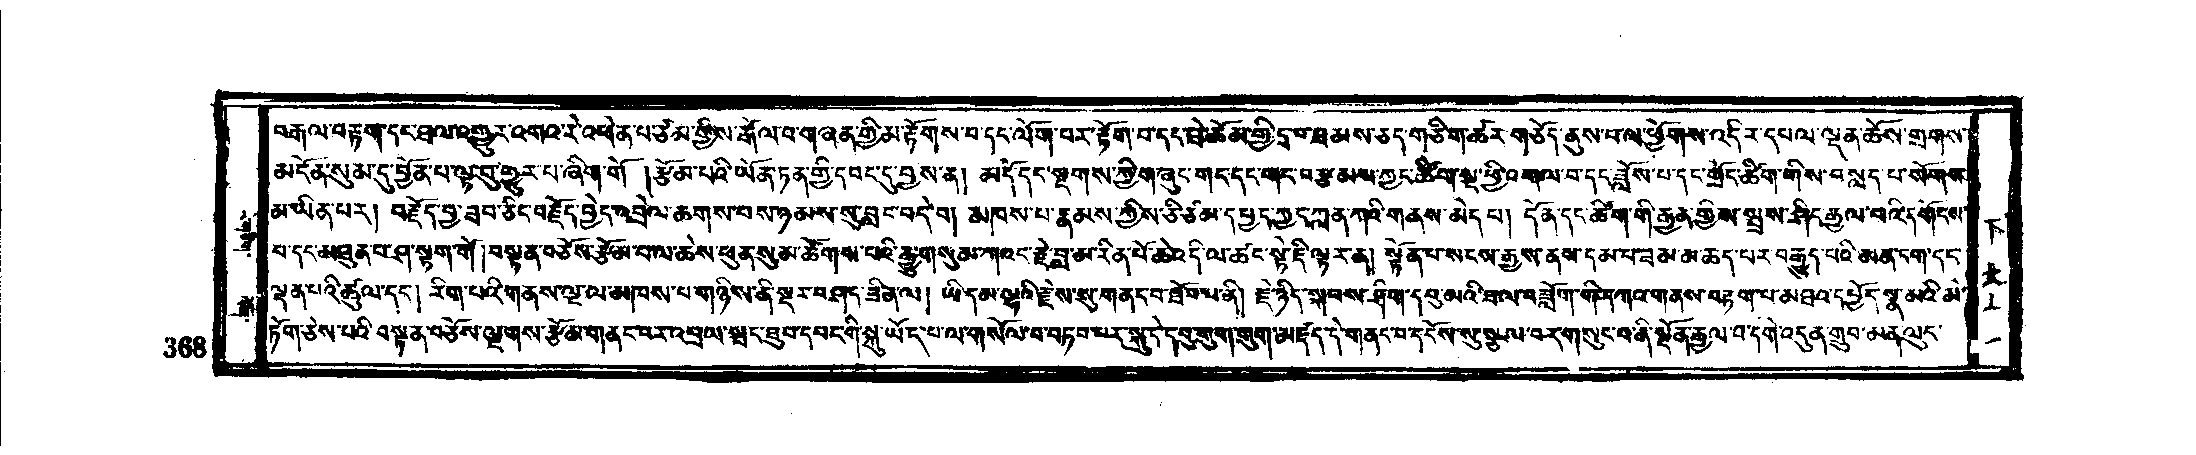བརྒལ་བརྟག་དང་ཐལ་འགྱུར་འགའ་རེ་འཕེན་པ་ཙམ་གྱིས་རྒོལ་བ་གཞན་གྱི་མ་རྟོགས་པ་དང་ལོག་པར་རྟོག་པ་དང་ཐེ་ཚོམ་གྱི་དྲ་བ་ཐམས་ཅད་གཅིག་ཚར་གཅོད་ནུས་པ་ལ་ཕྱོགས་འདིར་དཔལ་ལྡན་ཆོས་གྲགས་
མངོན་སུམ་དུ་བྱོན་པ་ལྟ་བུ་གྱུར་པ་ཞིག་གོ །རྩོམ་པའི་ཡོན་ཏན་གྱི་དབང་དུ་བྱས་ན། མདོ་དང་སྔགས་ཀྱི་གཞུང་གང་དང་གང་བརྩམས་ཀྱང་ཚིག་སྔ་ཕྱི་འགལ་བ་དང་ཟློས་པ་དང་གྲོང་ཚིག་གིས་བསླད་པ་སོགས་
མ་ཡིན་པར། བརྗོད་བྱ་ཟབ་ཅིང་བརྗོད་བྱེད་འབྲེལ་ཆགས་པས་ཉམས་སུ་བླང་བདེ་བ། མཁས་པ་རྣམས་ཀྱིས་ཅི་ཙམ་དཔྱད་ཀྱང་ཀླན་ཀའི་གནས་མེད་པ། དོན་དང་ཚིག་གི་རྒྱན་གྱིས་སྤྲས་ཤིང་རྒྱལ་བའི་དགོངས་
པ་དང་མཐུན་པ་ཤ་སྟག་གོ །བསྟན་བཅོས་རྩོམ་པ་ལ་ཆེས་ཕུན་སུམ་ཚོགས་པའི་རྒྱུ་གསུམ་ཀའང་རྗེ་བླ་མ་རིན་པོ་ཆེ་འདི་ལ་ཚང་སྟེ་ཇི་ལྟར་ན། སྟོན་པ་སངས་རྒྱས་ནས་དམ་པ་ཟམ་མ་ཆད་པར་བརྒྱུད་པའི་མན་ངག་དང་
ལྡན་པའི་ཚུལ་དང་། རིག་པའི་གནས་ལྔ་ལ་མཁས་པ་གཉིས་ནི་སྔར་བཤད་ཟིན་ལ། ཡི་དམ་ལྷའི་རྗེས་སུ་གནང་བ་ཐོབ་པ་ནི། རྗེ་ཉིད་སྐབས་ཤིག་དབུ་མའི་ཐལ་བཟློག་གི་དཀའ་གནས་བརྟག་པ་མཐའ་དཔྱོད་སྣ་མའི་མེ་
ཏོག་ཅེས་པའི་བསྟན་བཅོས་ལྗགས་རྩོམ་གནང་བར་འབྲལ་སྤང་ཐུབ་དབང་གི་སྐུ་ཡོད་པ་ལ་གསོལ་བ་བཏབ་པར་སྐུ་དེ་དབུ་གུག་གུག་མཛད་དེ་གནང་བ་དངོས་སུ་སྩལ་བར་གསུང་བ་ནི་སྔོན་རྒྱལ་བ་དགེ་འདུན་གྲུབ་མན་ལུང་